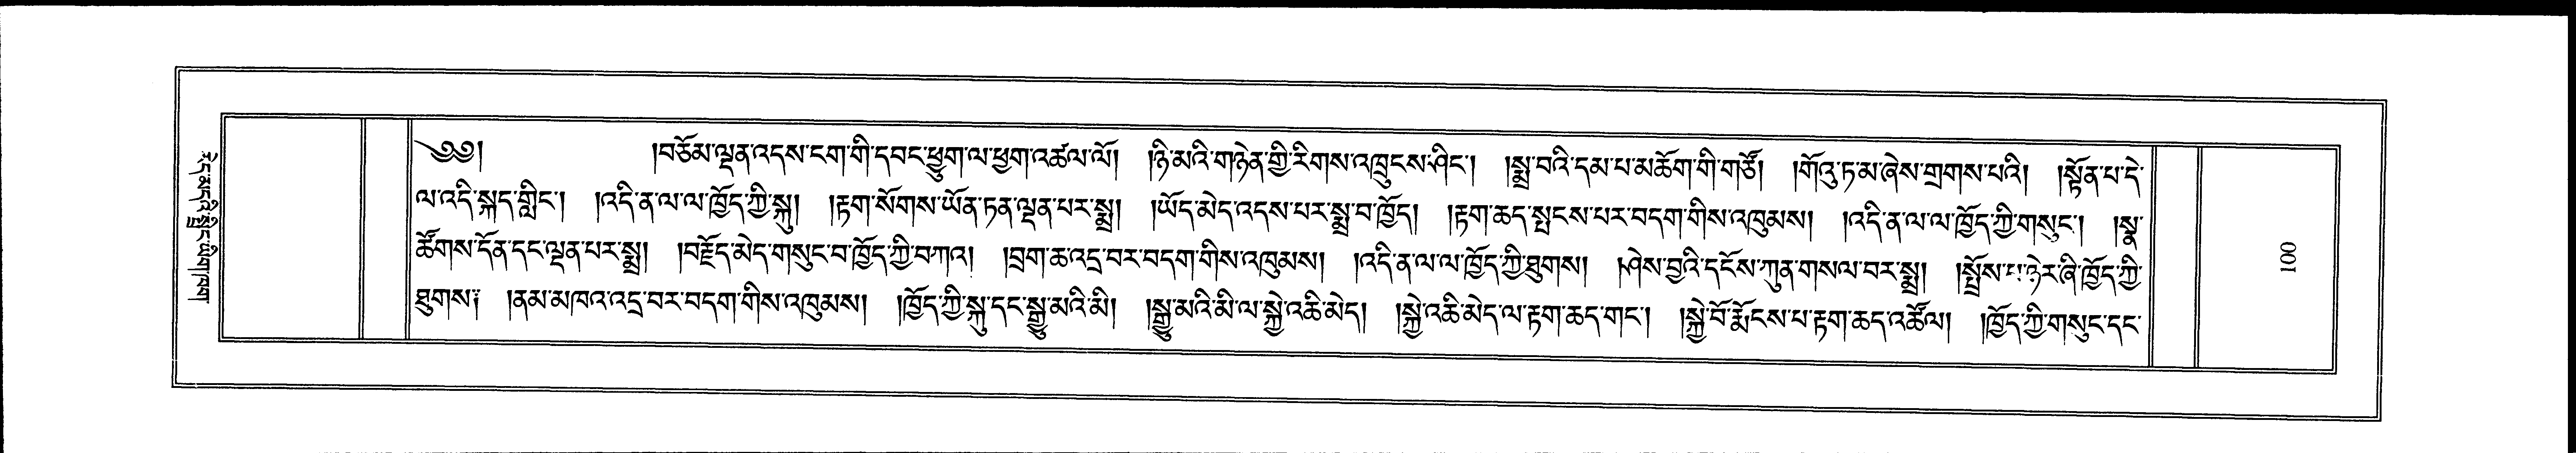༄༅། །བཅོམ་ལྡན་འདས་ངག་གི་དབང་ཕྱུག་ལ་ཕྱག་འཚལ་ལོ། །ཉི་མའི་གཉེན་གྱི་རིགས་འཁྲུངས་ཤིང་། །སྨྲ་བའི་དམ་པ་མཆོག་གི་གཙོ། །གོའུ་ཏ་མ་ཞེས་གྲགས་པའི། །སྟོན་པ་དེ་
ལ་འདི་སྐད་གླིང་། །འདི་ན་ལ་ལ་ཁྱོད་ཀྱི་སྐུ། །རྟག་སོགས་ཡོན་ཏན་ལྡན་པར་སྨྲ། །ཡོད་མེད་འདས་པར་སྨྲ་བ་ཁྱོད། །རྟག་ཆད་སྤངས་པར་བདག་གིས་འཁུམས། །འདི་ན་ལ་ལ་ཁྱོད་ཀྱི་གསུང་། །སྣ་
ཚོགས་དོན་དང་ལྡན་པར་སྨྲ། །བརྗོད་མེད་གསུང་བ་ཁྱོད་ཀྱི་བཀའ། །བྲག་ཆ་འདྲ་བར་བདག་གིས་འཁུམས། །འདི་ན་ལ་ལ་ཁྱོད་ཀྱི་ཐུགས། །ཤེས་བྱའི་དངོས་ཀུན་གསལ་བར་སྨྲ། །སྤྲོས་པ་ཉེར་ཞི་ཁྱོད་ཀྱི་
ཐུགས། །ནམ་མཁའ་འདྲ་བར་བདག་གིས་འཁུམས། །ཁྱོད་ཀྱི་སྐུ་དང་སྒྱུ་མའི་མི། །སྒྱུ་མའི་མི་ལ་སྐྱེ་འཆི་མེད། །སྐྱེ་འཆི་མེད་ལ་རྟག་ཆད་གང་། །སྐྱེ་བོ་རྨོངས་པ་རྟག་ཆད་འཚོལ། །ཁྱོད་ཀྱི་གསུང་དང་